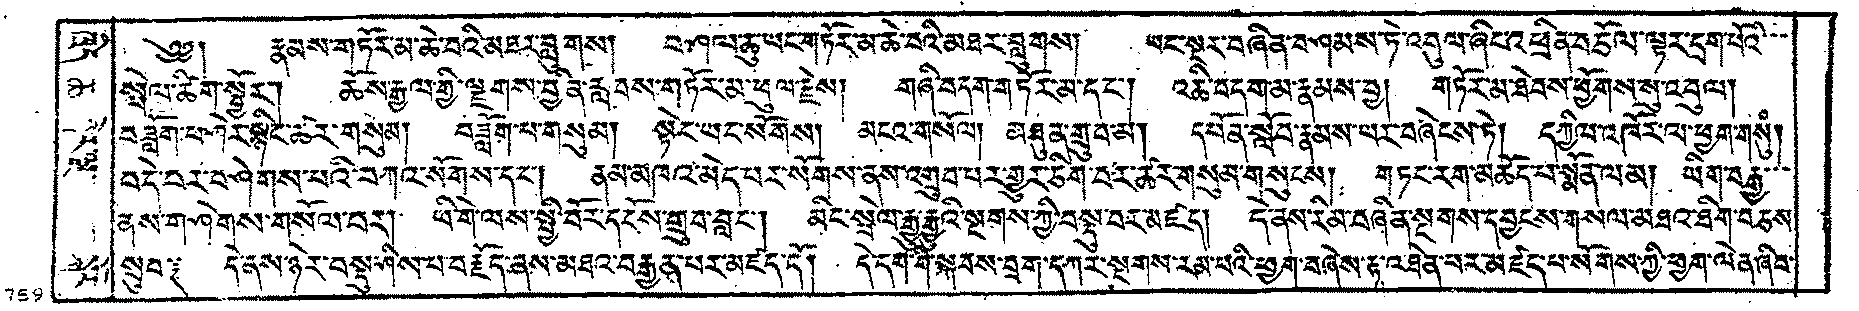༄༅། །རྣམས་གཏོར་མ་ཆེ་བའི་མཐར་བླུགས། བཤལ་ཆུ་ཡང་གཏོར་མ་ཆེ་བའི་མཐར་བླུགས། ཡང་སྔར་བཞིན་བཤམས་ཏེ་འབུལ་ཞིང་འཕྲིན་བཅོལ་ལྟར་དྲག་པོའི་
སྤེལ་ཚིག་སྦྱོར། ཆོས་རྒྱལ་གྱི་ལྗགས་བྱིན་རླབས་གཏོར་མ་ཕུལ་རྗེས། གཞི་བདག་གཏོར་མ་དང་། འཆི་བདག་མ་རྣམས་བྱ། གཏོར་མ་ཐེབས་ཕྱོགས་སུ་འབུལ།
བཟློག་པ་ཤེར་སྙིང་ཚར་གསུམ། བཟློག་པ་གསུམ། སྟེང་ཡང་སོགས། མངའ་གསོལ། མཐུན་གྲུབ་མ། དཔོན་སློབ་རྣམས་ཡར་བཞེངས་ཏེ། དཀྱིལ་འཁོར་ལ་ཕྱག་གསུཾ།
བདེ་བར་བཤེགས་པའི་བཀའ་སོགས་དང་། ནམ་མཁའ་མེད་པར་སོགས་ནས་འགྲུབ་པར་གྱུར་ཅིག་བར་ཚར་གསུམ་གསུངས། གཏང་རག་མཆོད་པ་སྨོན་ལམ། ཡིག་བརྒྱ་
ནས་གཤེགས་གསོལ་བར། ཡི་གེ་ལས་སྤྱི་བོར་དངོས་གྲུབ་བླང་། མིང་སྤེལ་རྒྱུ་རྒྱུའི་སྔགས་ཀྱི་བསྡུ་བར་མཛད། དེ་ནས་རིམ་བཞིན་སྔགས་དབྱངས་གསལ་མཐའ་ཐིག་བཅས་
སྲུབ༑ དེ་ནས་ཉེར་བསྡུ་ཤིས་པ་བརྗོད་ནས་མཐའ་བརྒྱན་པར་མཛད་དོ། དེ་དག་གི་སྐབས་བྲག་དཀར་སྔགས་རམ་པའི་ཕྱག་བཞེས་རྟ་འཐེན་པར་མཛད་པ་སོགས་ཀྱི་ཕྱག་ལེན་ཞིབ་